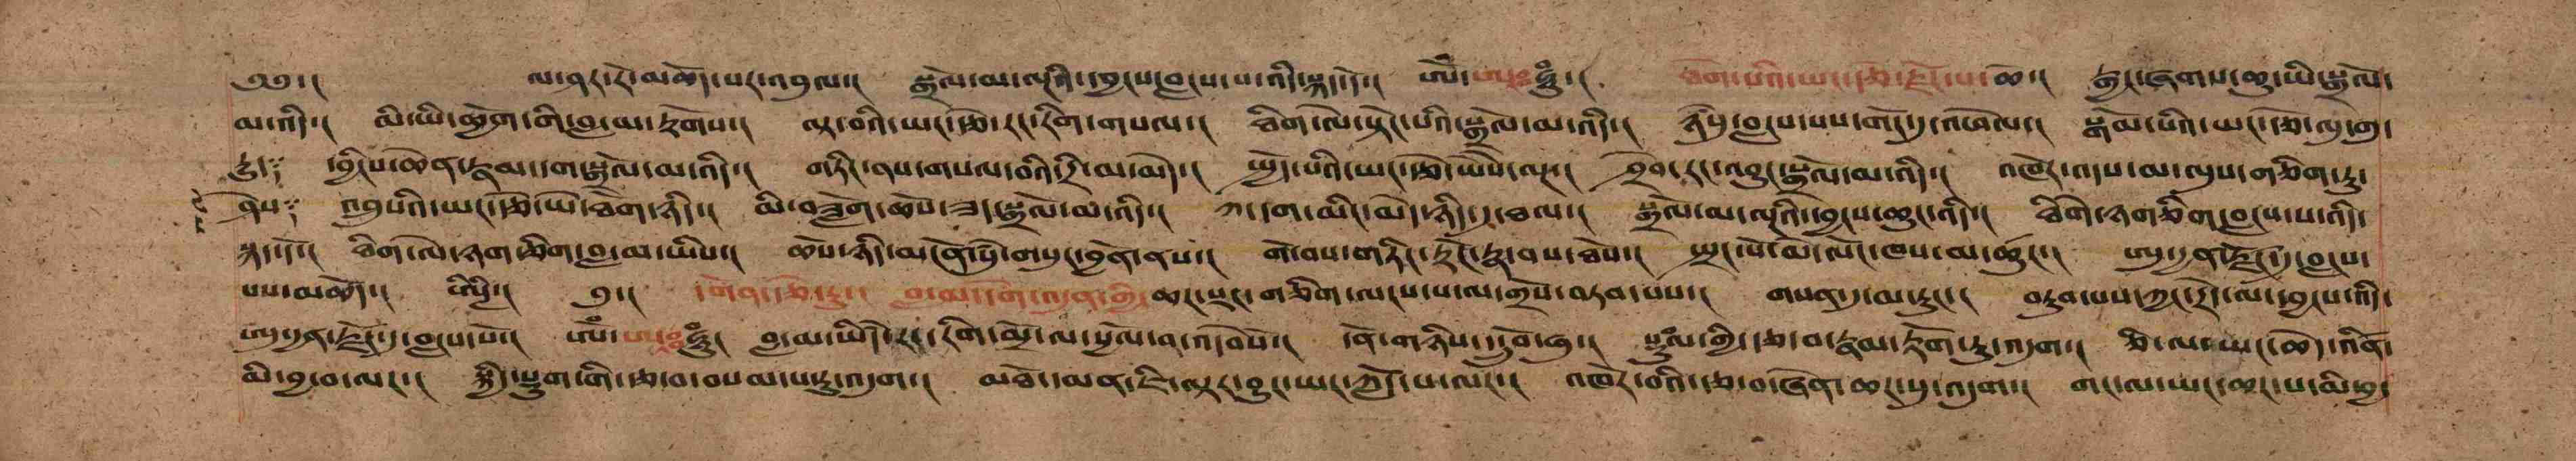༄༅་། ལ་ཤར་རོ་མཆོད་པར་འབུལ། སྒྲོལ་མ་ལྔའི་དབྱངས་བླངས་པ་འདི་སྐད་དོ། ཨོཾ་ཨཿཧཱུཾ། ཐེག་པའི་ཡང་རྩེ་རྫོགས་པ་ཆེ། རྒྱང་ཞགས་ཆུ་ཡི་སྒྲོལ་
མ་འདི། མི་ཡི་མཆོག་གི་བླ་མ་རྟོགས། ལྟ་བའི་ཡང་རྩེ་རང་རིག་གསལ། ཐིག་ལེ་སྟོང་པའི་སྒྲོལ་མ་འདི། ཉམས་སུ་བླངས་པས་གོང་དུ་འཕེལ། སྒོམ་པའི་ཡང་རྩེ་ལུ་གུ་
དྱུད༑ དབྱིངས་ཆེན་རྣམ་དག་སྒྲོལ་མ་འདི། གཏིང་ནས་གསལ་བའི་དྲི་མ་མེད། སྤྱོད་པའི་ཡང་རྩེ་ཡེ་ཤེས་ལྔ། ཤེས་རབ་རང་འབྱུང་སྒྲོལ་མ་འདི། འཁོར་འདས་མ་ལུས་གཅིག་ཏུ་
ཤེས༑ འབྲས་བུའི་ཡང་རྩེ་ཡེ་ཐེག་ཉིད། མི་བཟློག་ཆོས་ཟད་སྒྲོལ་མ་འདི། ཀ་དག་མིང་མེད་ཉིད་དུ་ཐལ། སྒྲོལ་མ་ལྔའི་དབྱངས་ཆུང་འདི། ཐིག་ལེ་ཉག་གཅིག་བླངས་པ་འདི་
སྐད་དོ། ཐིག་ལེ་ཉག་གཅིག་བླ་མ་ཡིས། ཆོས་ཉིད་མངོན་སུཾ་གསུར་བྱོན་ནས། གོ་བས་གཏིང་དྲོང་རྣ་བས་ཐོས། སྤྲང་པོ་མེ་ལོང་ཁས་མ་ཚུང་། ཨུ་རྒྱན་རྫོང་དུ་བླངས་
པས་མཆོད། ཨིཊི། ༄་། དགོན་རྩེ་རུ། བླ་མ་དགེ་འདུན་གྱི་ཆགས་སྡང་གཅིག་ལངས་པ་ལ་གྲོས་བཏབ་པས། གསན་དུ་མ་རུང་། བཏུབ་པས་ཀྱང་རེད་ལ་དབྱངས་འདི་
ཨོ་རྒྱན་རྫོང་དུ་བླངས་སོ། ཨོཾ་ཨཿ. ཧཱུཾ། བླ་མ་ཡིད་དམ་རང་རིག་མཁའ་འགྲོ་ལ་གསོལ་བ་འདེབས། དོན་གཉིས་དངོས་གྲུབ་ཞུ། སྡུག་བསྔལ་གྱི་རྩ་བ་རྣམ་རྟོག་ཏུ་འདུག། ཅི་ལ་ཡང་ཆེད་འཛིན་
མི་བྱ་བ་ལགས། སྐྱིད་སྡུག་གི་རྩ་བ་བསམ་པ་རུ་འདུག། མཐོ་དམན་ངི་ལྟར་བྱུང་ཡང་ཀློད་པ་ལགས། འཁོར་བའི་རྩ་བ་ཞེན་ཆགས་སུ་འདུག གང་ལ་ཡང་ཆགས་པ་མི་བྱ་